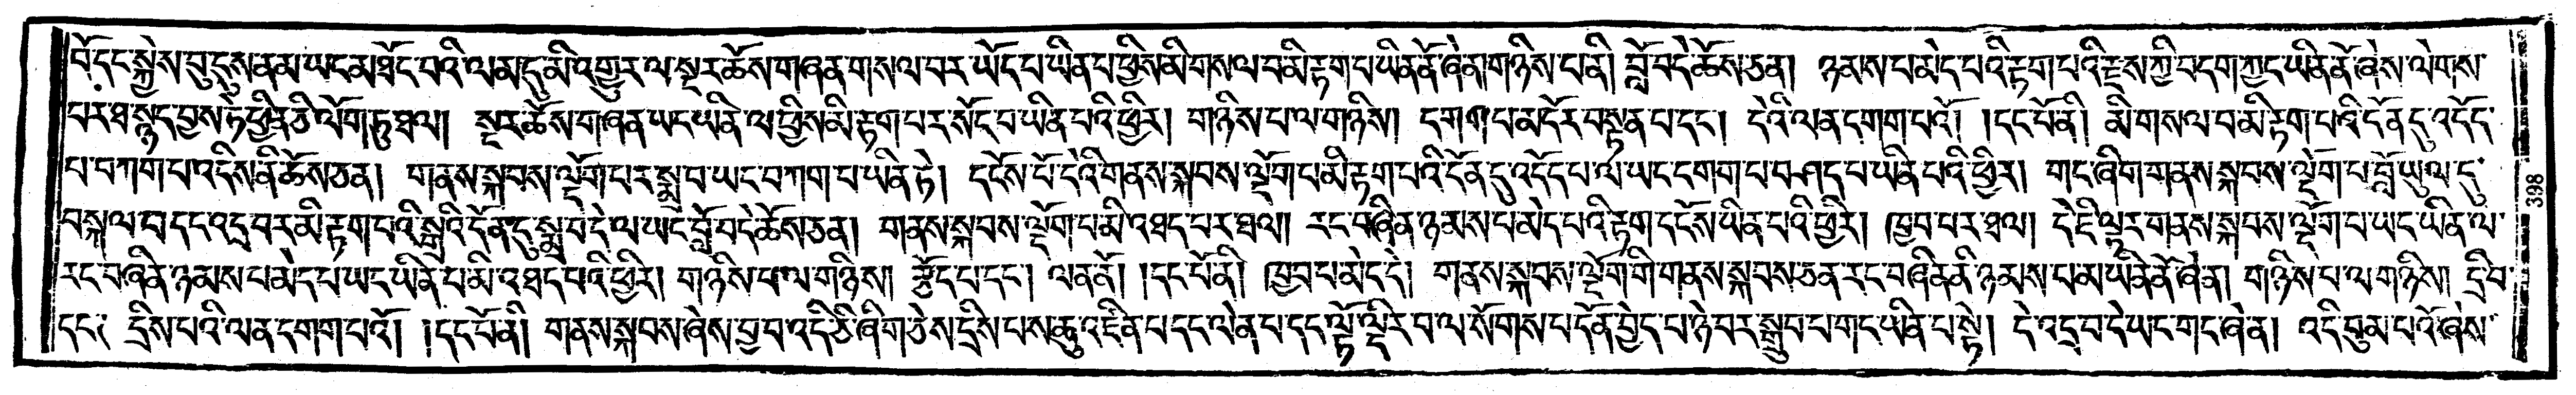བོ་དང་སྐྱེས་བུ་དུས་ནམ་ཡང་མཐོང་བའི་ལམ་དུ་མི་འགྱུར་ལ་སྔར་ཆོས་གཞན་གསལ་བར་ཡོད་པ་ཡིན་པ་ཕྱིས་མི་གསལ་བ་མི་རྟག་པ་ཡིན་ནོ་ཞེ་ན། གཉིས་པ་ནི། བློ་བདེ་ཆོས་ཅན། ཉམས་པ་མེད་པའི་རྟག་པའི་རྫས་ཀྱི་བདག་ཀྱང་ཡིན་ནོ་ཞེས་ལེགས་
པར་ཐ་སྙད་བྱས་ཏེ་ཕྱིན་ཅི་ལོག་ཏུ་ཐལ། སྔར་ཆོས་གཞན་ཡང་ཡིན་ལ་ཕྱིས་མི་རྟག་པར་སོང་བ་ཡིན་པའི་ཕྱིར། གཉིས་པ་ལ་གཉིས། དགག་པ་མདོར་བསྟན་པ་དང་། དེའི་ལན་དགག་པའོ། །དང་པོ་ནི། མི་གསལ་བ་མི་རྟག་པའི་དོན་དུ་འདོད་
པ་བཀག་པ་འདིས་ནི་ཆོས་ཅན། གནས་སྐབས་ལྡོག་པར་སྨྲ་བ་ཡང་བཀག་པ་ཡིན་ཏེ། དངོས་པོ་དེའི་གནས་སྐབས་ལྡོག་པ་མི་རྟག་པའི་དོན་དུ་འདོད་པ་ལ་ཡང་དགག་པ་བཤད་པ་ཡིན་པའི་ཕྱིར། གང་ཞིག་གནས་སྐབས་ལྡོག་པ་བློ་ཡུལ་དུ་
བསྐལ་བ་དང་འདྲ་བར་མི་རྟག་པའི་སྒྲའི་དོན་དུ་སྨྲ་བ་དེ་ལ་ཡང་བློ་བདེ་ཆོས་ཅན། གནས་སྐབས་ལྡོག་པ་མི་འཐད་པར་ཐལ། རང་བཞིན་ཉམས་པ་མེད་པའི་རྟག་དངོས་ཡིན་པའི་ཕྱིར། ཁྱབ་པར་ཐལ། དེ་ཇི་ལྟར་གནས་སྐབས་ལྡོག་པ་ཡང་ཡིན་ལ་
རང་བཞིན་ཉམས་པ་མེད་པ་ཡང་ཡིན་པ་མི་འཐད་པའི་ཕྱིར། གཉིས་པ་ལ་གཉིས། རྩོད་པ་དང་། ལན་ནོ། །དང་པོ་ནི། ཁྱབ་པ་མེད་དེ། གནས་སྐབས་ལྡོག་གི་གནས་སྐབས་ཅན་རང་བཞིན་ནི་ཉམས་པ་མ་ཡིན་ནོ་ཞེ་ན། གཉིས་པ་ལ་གཉིས། དྲི་བ་
དང༑ དྲིས་པའི་ལན་དགག་པའོ། །དང་པོ་ནི། གནས་སྐབས་ཞེས་བྱ་བ་འདི་ཅི་ཞིག་ཅེས་དྲིས་པས་ཆུ་འཛིན་པ་དང་ལེན་པ་དང་ལྟོ་ལྡིར་བ་ལ་སོགས་པ་དོན་བྱེད་པ་ཉེ་བར་སྒྲུབ་པ་གང་ཡིན་པ་སྟེ། དེ་འདྲ་བ་དེ་ཡང་གང་ཞེ་ན། འདི་བུམ་པའོ་ཞེས་